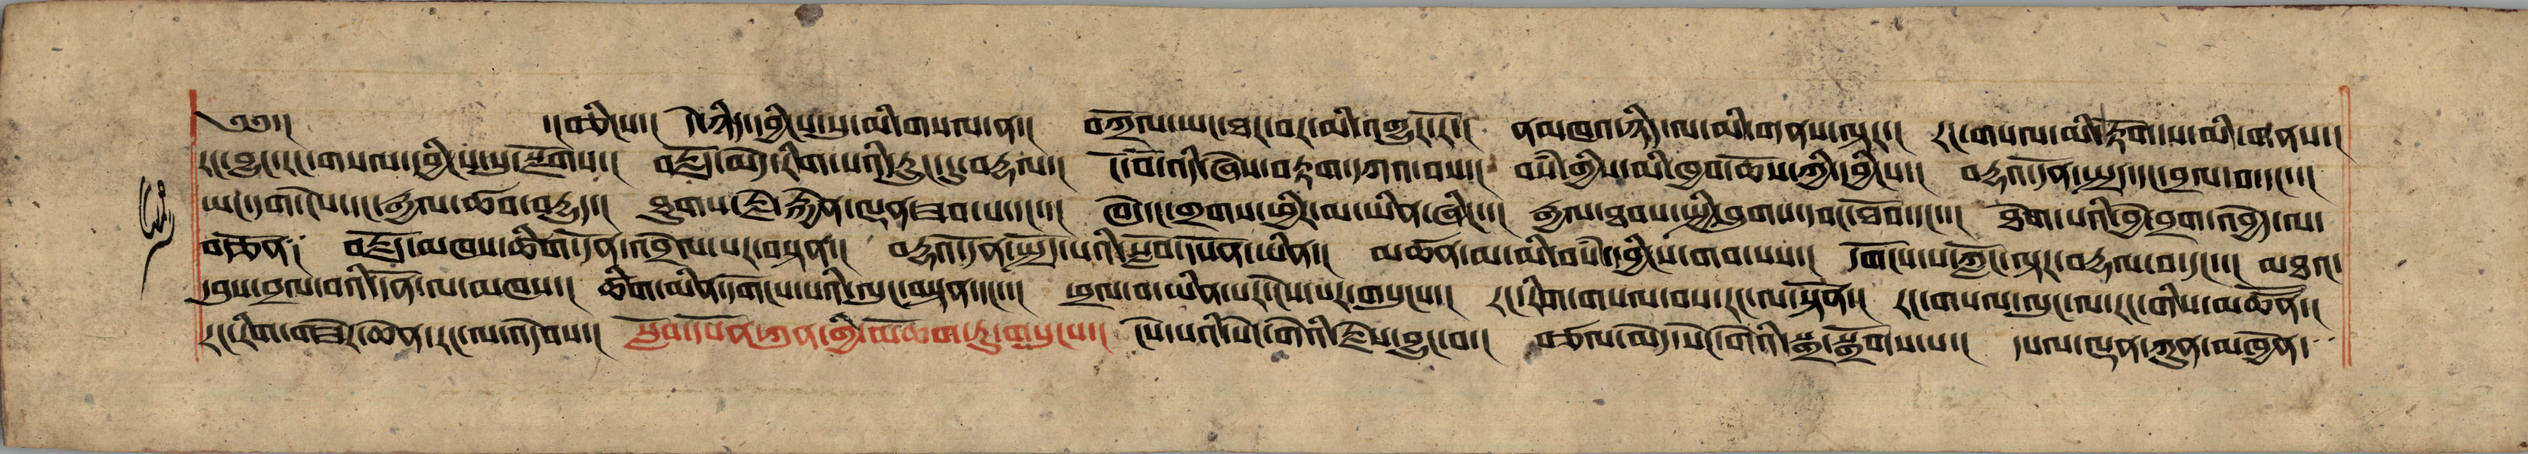༄༅་། ་།བཅིངས་། དེ་ཉིད་དབྱིས་སུ་མི་གསལ་ན་། བཀྲོལ་ཡང་ཐར་བར་མི་འགྱུར་རོ་། ནམཁའ་ཉིད་ལ་མི་གནས་ལྟར་། རང་གསལ་མི་རྟོག་པ་མི་གནས་།
རང་བྱུང་རང་གསལ་དབྱིངས་སུ་སྫོགས་། བརྗོད་མེད་རིག་པའི་རླུང་དུ་བརྡལ་། ངོ་བོ་འདི་ཞེས་བརྟག་དཀའ་བས་། བསཾ་གྱིས་མི་ཁྱབ་ཆོས་ཀྱི་དབྱིངས་། བརྡའ་དོན་སྤྲད་དང་བྲལ་བ་དང་་།
ཡང་དག་ངེས་དང་རྒྱལ་ཚབ་བདྱུད་། ཐུགས་རྗེ་རྐྱེན་ལྡན་ཟབ་པ་དང་་། ཁེ་དང་གྲགས་ཕྱིར་མ་ཡིན་ཞིང་་། རྒྱལ་ཐབས་སྤྱི་བླུགས་དབང་ཐོབ་དང་་། ཐེག་པའི་བྱེ་བྲག་འབྱེད་ལ་
བརྩོན༑ བརྗོད་མཁས་ཚིག་དོན་འབྲེལ་པར་བསྟན་། བརྡའ་དོན་སྤྱོད་པའི་སློབ་དཔོན་ཡིན་། མཚན་མ་མི་བསཾ་དབྱིངས་གབ་པས་། དགོངས་པ་ཀློང་ལྟར་བརྡལ་བ་དང་་། མཐའ་
དབུས་བྲལ་བའི་དོན་ལ་མཁས་། ཚིག་མིན་དགོངས་པའི་ལུང་བསྟན་དང་་། ཕྲལ་བ་ཡིན་པར་ངེས་པར་གསུངས་། རང་རིག་གསལ་བས་རང་ལ་སྟོན་། རང་གསལ་ལུང་ལ་རང་གིས་མཚོན་།
རང་རིག་གཟེར་ཆེན་རང་ལ་འདེབས་། སློབ་དཔོན་ཀུན་གྱི་མཆོག་ཏུ་གསུངས་། ངེས་པའི་སེང་གེའི་རྗེས་བྱུང་བ་། བཙལ་མེད་སེང་གེའི་སྒྲ་སྒྲོགས་པ་། དཔལ་ལྡན་ཀུན་མཁྱེན་